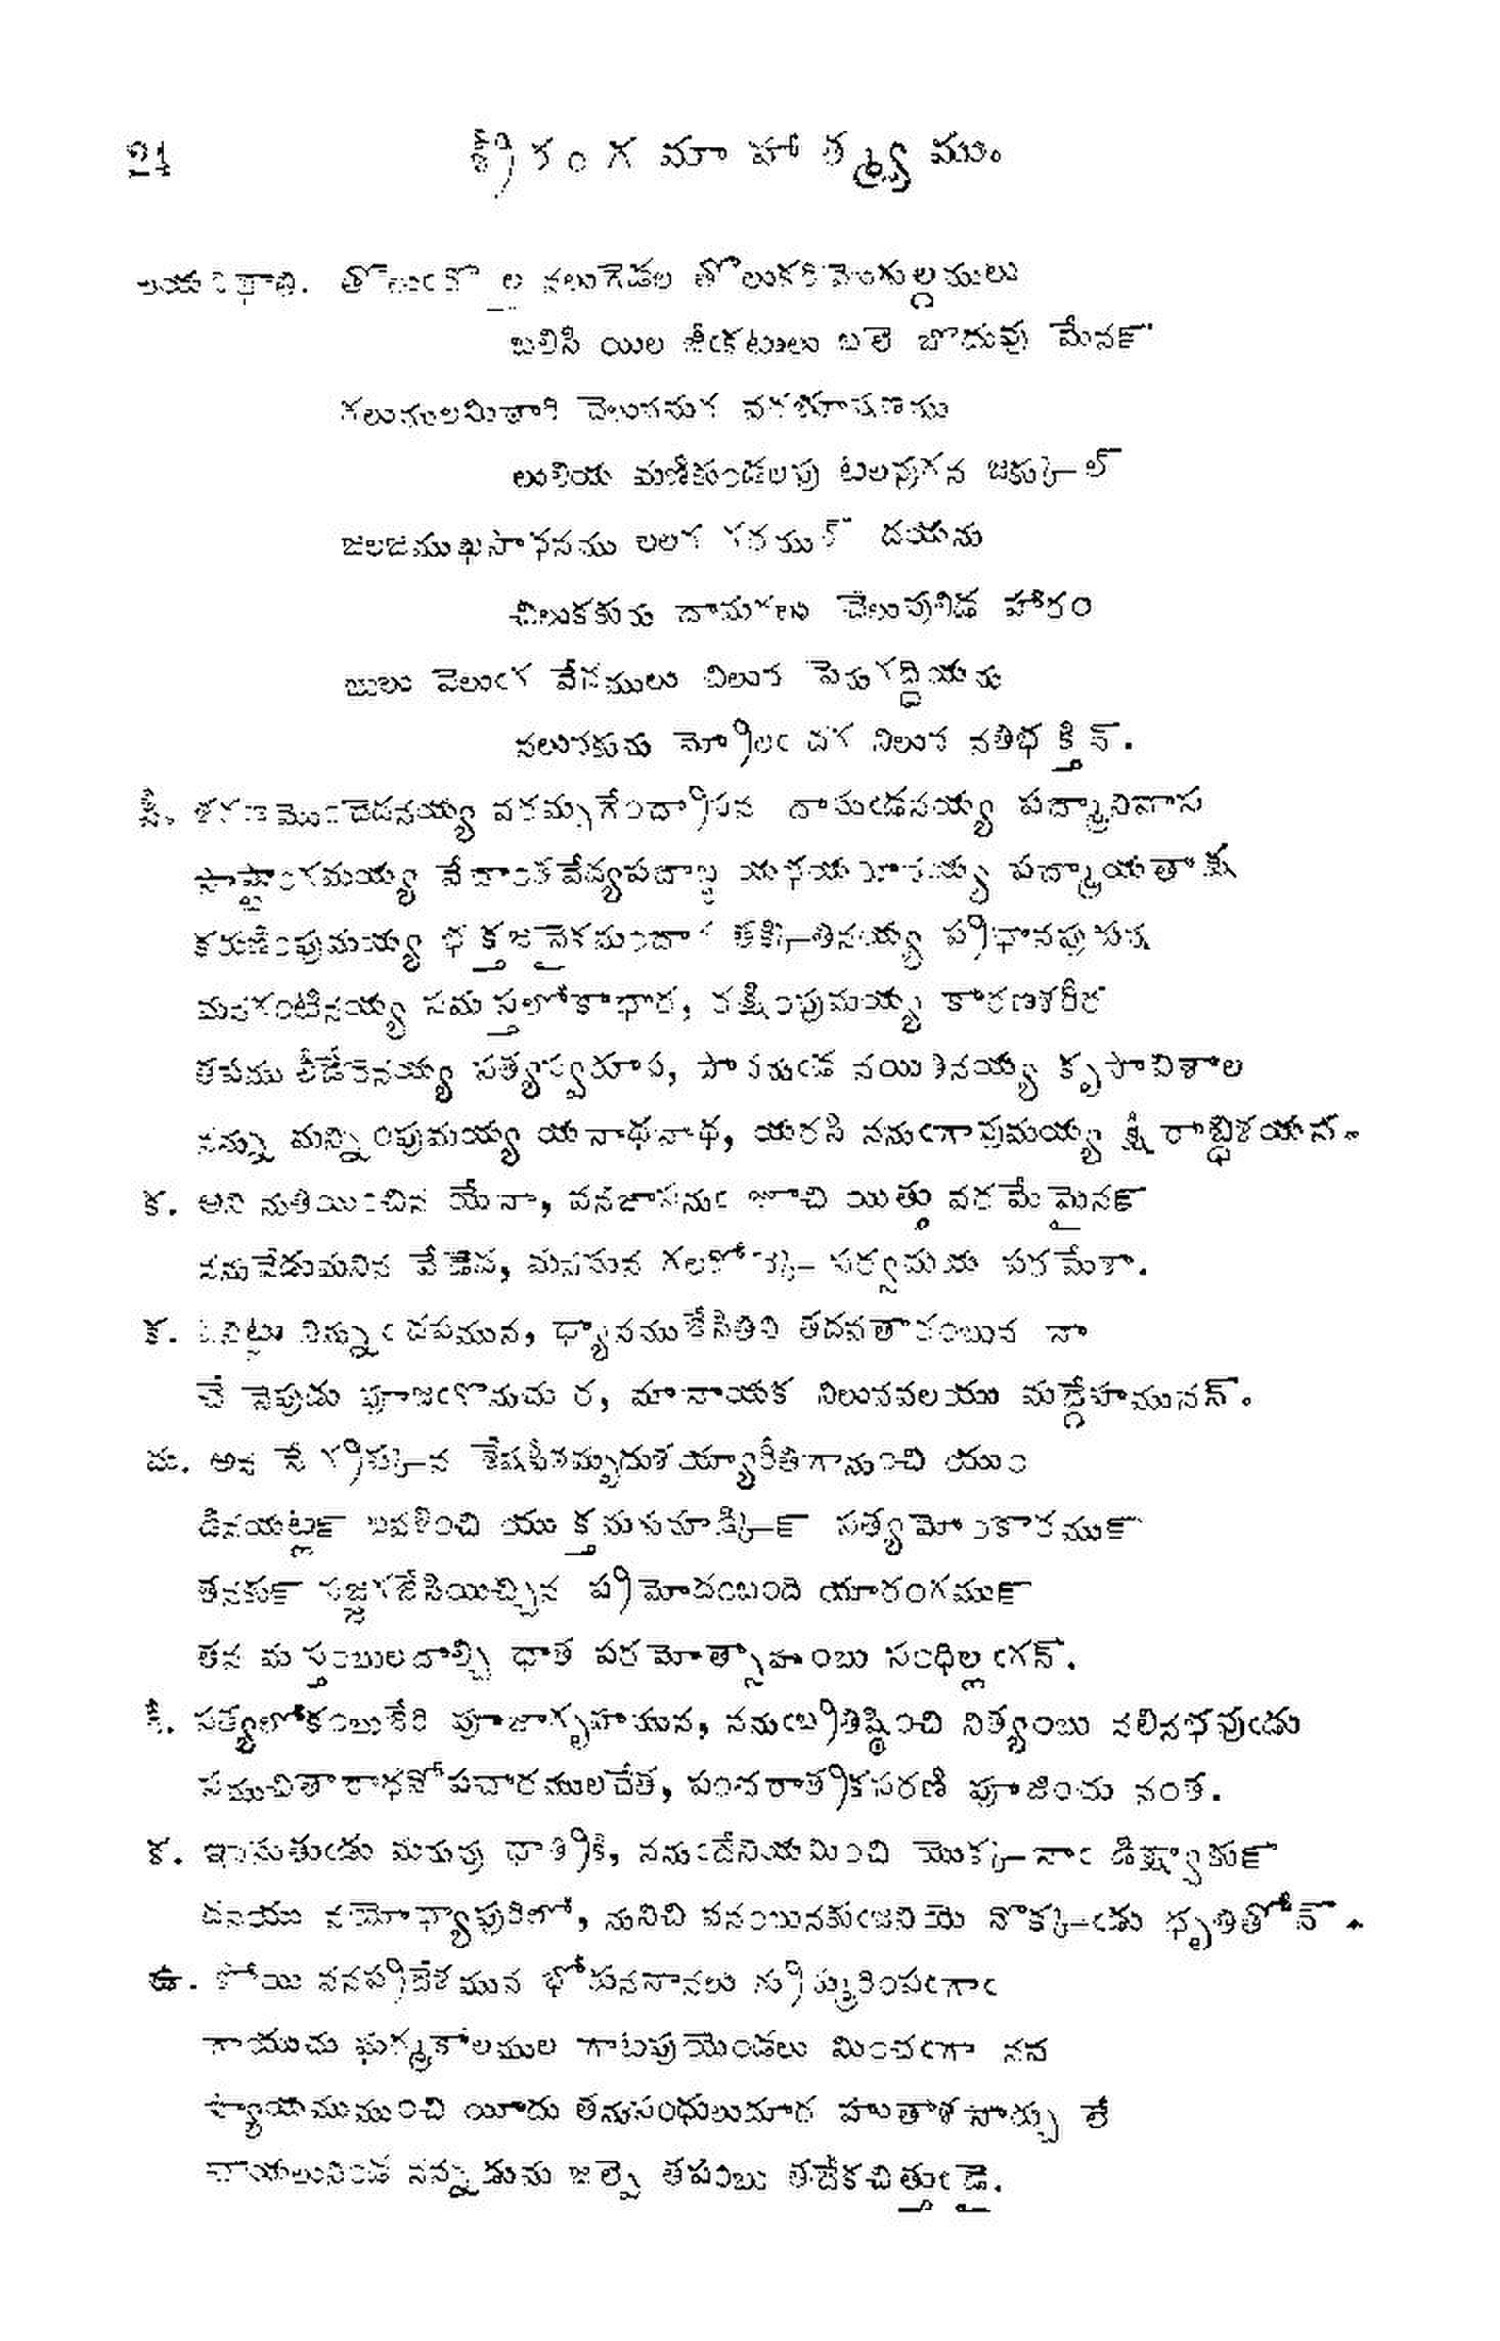లయవిభాతి. తొలుఁదొల్త నలుగెడల తొలుకరిమొగు ల్గములు
 బలిసి యిల జీఁకటులు బలె బొదువు మేనన్
 గలుములమిఠారి చెలువనుక వరభూషణము
 లులియ మణికుండలపు టలవుగన జక్కుల్
 జలజముఖసాధనము లలర గరముల్ దయను
 చిలుకకును దామరలు చెలువులిడ హారం
 బులు వెలుఁగ వేనములు చిలువ పెనుగద్దియను
 నలువకును మ్రోలఁ దగ నిలువ నతిభక్తిన్.
సీ. శరణ మొందెదనయ్య వరమృగేంద్రాసన దాసుఁడనయ్య పద్మానివాస
 సాష్టాంగమయ్య వేదాంతవేద్యపదాబ్జ యభయమీవయ్య పద్మాయతాక్ష
 కరుణింపుమయ్య భక్తజనైకమందార తక్కితినయ్య ప్రధానపురుష
 మనగంటినయ్య సమస్తలోకాధార, రక్షింపుమయ్య కారణశరీర
 తపము లీడేరెనయ్య సత్యస్వరూప, పావనుఁడ నయితినయ్య కృపావిశాల
 నన్ను మన్నింపుమయ్య యనాథనాథ, యరసి ననుఁ గావుమయ్య క్షీరాబ్ధిశయన.
క. అని నుతియించిన యేనా, వనజాసనుఁ జూచి యిత్తు వరమే మైనన్
 నను వేడుమనిన వేడెద, మనసున గలకోర్కె సర్వమయ పరమేశా.
క. ఏనిట్లు నిన్నుఁ దపమున, ధ్యానము జేసితిని తదవతారంబున నా
 చే నెపుడు పూజఁగొనుచు ర, మానాయక నిలువవలయు మద్గేహమునన్.
మ. అన నే గ్రక్కున శేషపీనమృదుశయ్యారీతిగా నుంచి యుం
 డినయట్లన్ బవళించి యుక్తమగుమాడ్కిన్ సత్యమోంకారమున్
 తనకున్ సజ్జగ జేసియిచ్చిన ప్రమోదంబంది యారంగమున్
 తన మస్తంబుల దాల్చి ధాత పరమోత్సాహంబు సంధిల్లఁగన్.
గీ. సత్యలోకంబు జేరి పూజాగృహమున, ననుఁ బ్రతిష్ఠించి నిత్యంబు నలినభవుఁడు
 సముచితారాధనోపచారములచేత, పంచరాత్రకసరణి పూజించు నంత.
క. ఇనసుతుఁడు మనువు ధాత్రికి, ననుఁదేనియ మించి యొక్క నాఁ డిక్ష్వాకున్
 దనయు నయోధ్యాపురిలో, నునిచి వనంబునకుఁ జనియె నొక్కఁడు ధృతితోన్.
ఉ. పోయి వనప్రదేశమున భోరున వానలు గ్రుమ్మరింపఁగాఁ
 గాయుచు ఘర్మకాలముల గాటపుయెండలు మించఁగా నన
 న్యాయము ముంచి యీదు తనుసంధులు దూర హుతాశనార్చు లే
 చాయలునిండ నన్నడుమ జల్పె తపంబు తదేకచిత్తుఁడై.